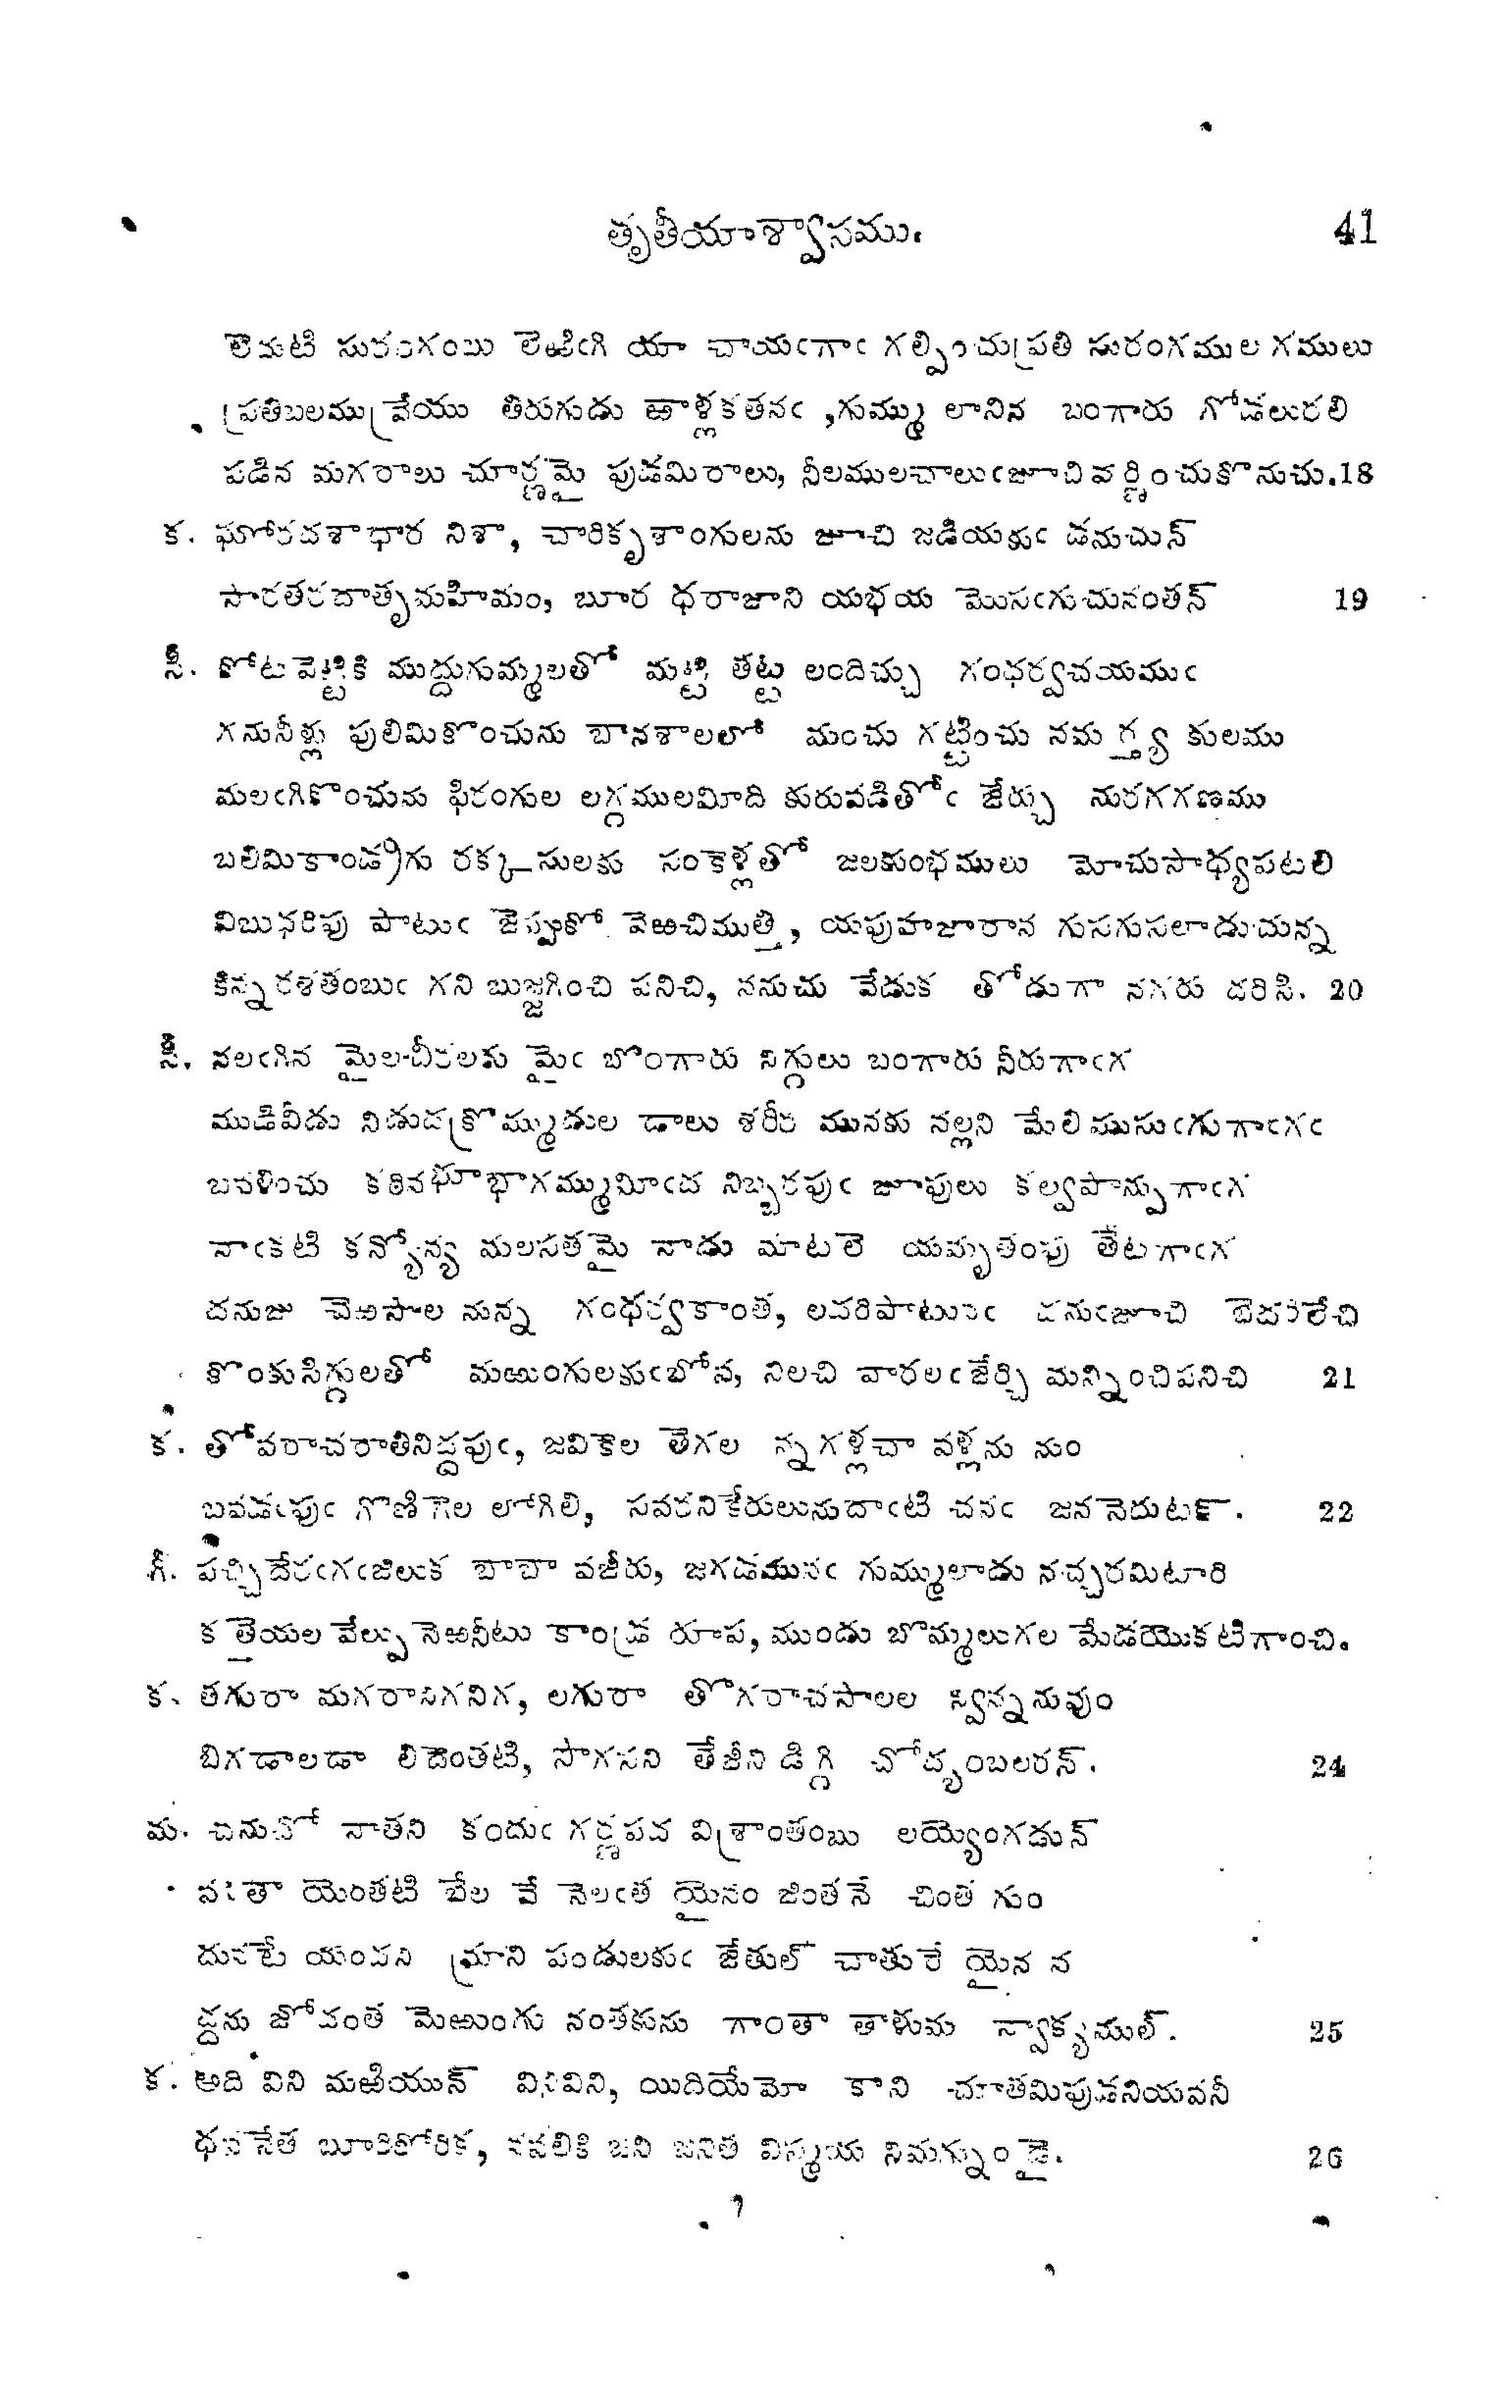లెదుటి సురంగంబు లెఱిఁగి యా చాయఁగాఁ గల్పించు ప్రతిసురంగముల గములు
ప్రతిబలము వ్రేయు తిరుగుడుఱాళ్లకతనఁ, గుమ్ము లానిన బంగారుగోడ లురలి
పడిన మగరాలు చూర్ణమై పుడమి రాలు, నీలములచాలుఁ జూచి వర్ణించుకొనుచు.
క. ఘోరదశాధారనిశా, చారికృశాంగులను జూచి జడియకుఁ డనుచున్
సారతరదాతృమహిమం, బూర ధరాజాని యభయ మొసఁగుచు నంతన్.
సీ. కోటవెట్టికి ముద్దుగుమ్మలతో మట్టితట్ట లందిచ్చు గంధర్వచయముఁ
గనునీళ్లు పులిమికొంచును బానశాలలో మంచు గట్టించు నమర్త్యకులము
మలఁగికొంచును ఫిరంగుల లగ్గములమీది కురువడితోఁ జేర్చు నురగగణము
బలిమికాండ్రగు రక్కసులకు సంకెళ్లతో జలకుంభములు మోచుసాధ్యపటలి
విబుధరిపు పాటుఁ జెప్పుకో వెఱచి ముత్తి, యపుహజారాన గుసగుసలాడుచున్న
కిన్నరశతంబుఁ గని బుజ్జగించి పనిచి, ననుచు వేడుక తోడుగా నగరు దరిసి.
సీ. నలఁగిన మైలచీరలకు మైఁ బొంగారునిగ్గులు బంగారునీరు గాఁగ
ముడి వీడు నిడుచక్రొమ్ముడులడాలు శరీర నకు నల్లనిమేలిముసుఁగు గాఁగఁ
బవళించు కఠినభూభాగమ్ముమీఁద నిబ్బరపుఁజూపులు కల్వపాన్పు గాఁగ
నాఁకటి కన్యోన్య మలసత మై నాడుమాటలె యమృతెపుతేట గాఁగ
దనుజు చెఱసాల నున్న గంధర్వకాంత, లదరిపాటునఁ దనుఁజూచి బెదరి లేచి
కొంకుసిగ్గులతో మఱుంగులకుఁ బోవ, నిలచి వారలఁ జేర్చి మన్నించి పనిచి.
క. తోవరాచరాతినిధ్దపుఁ, జవికేల తెగల న్నగళ్ల చావళ్లను నుం
బవడఁపుఁగొణిగెలలోగిలి, సవరనికేరులును దాఁటి చనఁ జన నెదుటన్.
గీ. పచ్చి దేరఁగఁ జిలుక బాబా వజీరు, జగడమునఁ గుమ్ములాడు నచ్చరమిటారి
కత్తెయలవేల్పు నెఱనీటుకాండ్రరూప, ముండు బొమ్మలుగల మేడయొకటి గాంచి.
క. తగురా మగరానిగనిగ, లగురా తొగరాచసాలల న్విన్ననువుం
బిగడాలడా లిదెంతటి, సొగసని తేజీని డిగ్గి చోద్యం బలరన్.
మ. చనుచో నాతని కందుఁ గర్ణపదవిశ్రాంతంబు లయ్యెం గడున్
వనితా యెంతటి బేలవే నెలఁత యైనం జింతనే చింత గుం
దువటే యందనిమ్రానిపండులకుఁ జేతుల్ చాతురే యైన న
ద్దనుజోదంత మెఱుంగు నంతకును గాంతా తాళుమ న్వాక్యముల్.
క. అది విని మఱియున్ వినివిని, యిదియేమో కాని చూత మిపుడని యవనీ
ధవనేత బూరికోరిక, నవలికి జని జనితవిస్మయనిమగ్నుండై.